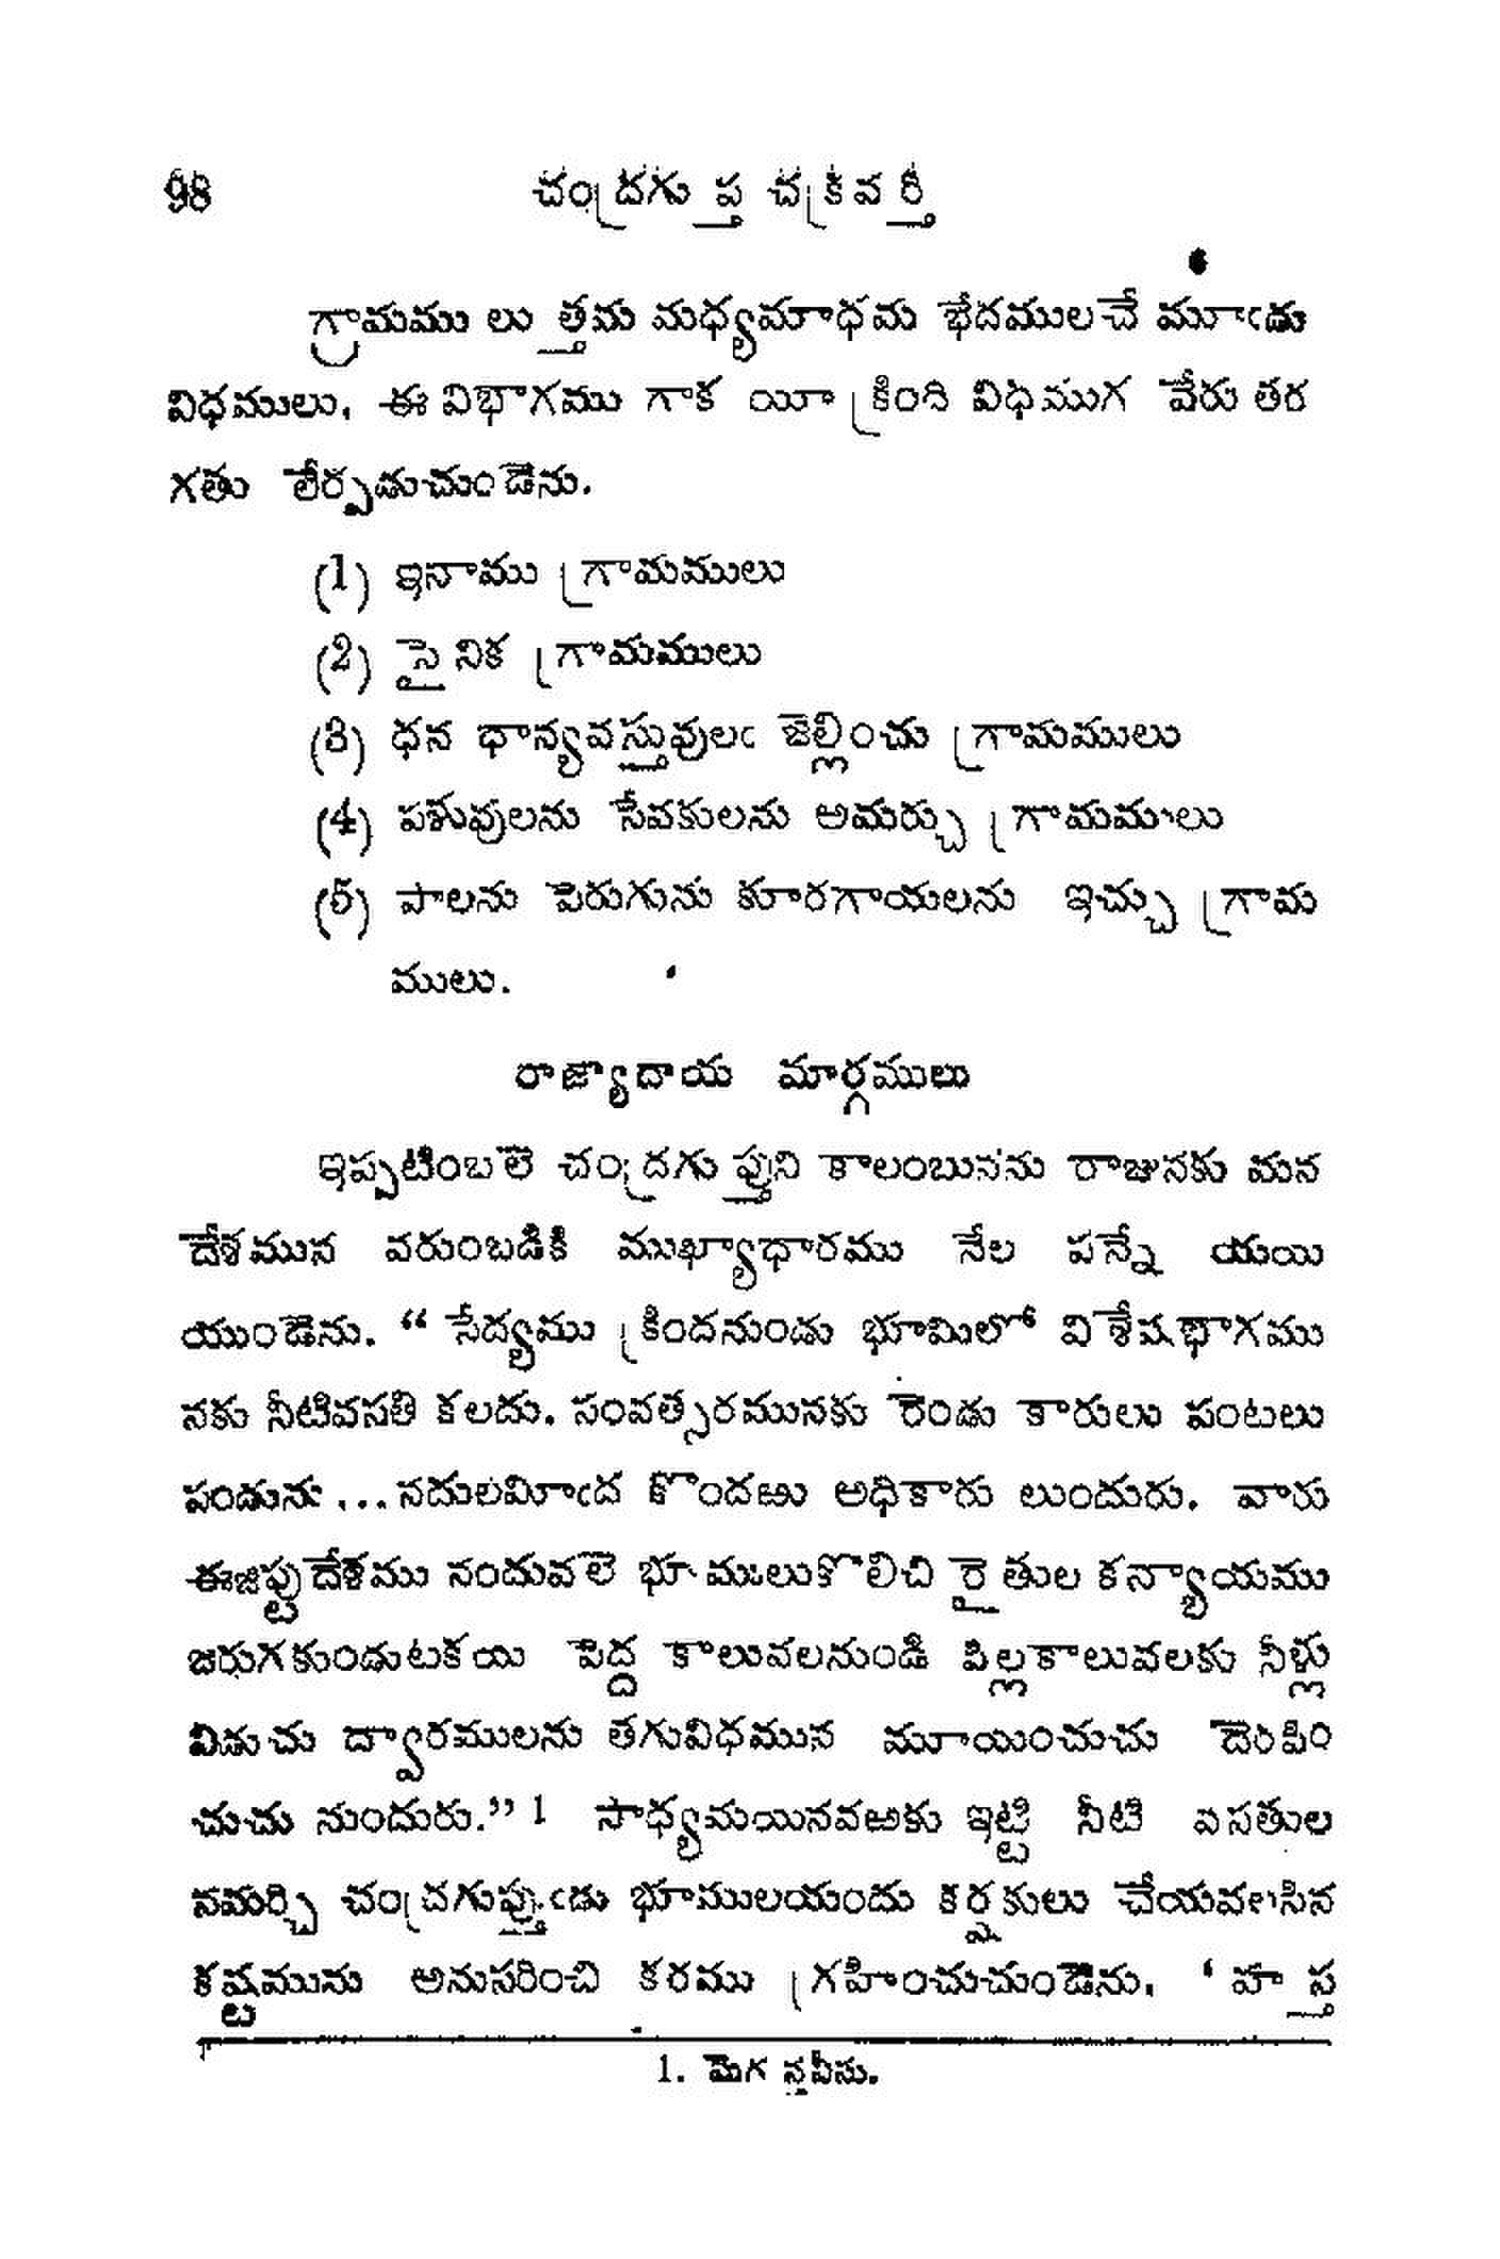గ్రామము లుత్తమ మధ్యమాధమ భేదములచే మూఁడు విధములు. ఈ విభాగము గాక యీ క్రింది విధముగ వేరు తరగతు లేర్పడుచుండెను.

(1) ఇనాము గ్రామములు 

(2) సైనిక గ్రామములు 

(3) ధన ధాన్యవస్తువులఁ జెల్లించు గ్రామములు 

(4) పశువులను సేవకులను అమర్చు గ్రామములు 

(5) పాలను పెరుగును కూరగాయలను ఇచ్చు గ్రామములు. .

రాజ్యాదాయ మార్గములు 

ఇప్పటింబలె చంద్రగుప్తుని కాలంబునను రాజునకు మనదేశమున వరుంబడికి ముఖ్యాధారము నేల పన్నే యయి యుండెను. " సేద్యము క్రిందనుండు భూమిలో విశేషభాగమునకు నీటివసతి కలదు. సంవత్సరమునకు రెండు కారులు పంటలు పండును ... నదులమీద కొందఱు అధికారు లుందురు. వారు ఈజిప్టుదేశము నందువలె భూములుకొలిచి రైతుల కన్యాయము జరుగకుండుటకయి పెద్ద కాలువలనుండి పిల్లకాలువలకు నీళ్లు విడుచు ద్వారములను తగువిధమున మూయించుచు దెరిపించుచు నుందురు.” 1 సాధ్యమయినవఱకు ఇట్టి నీటి వసతుల నమర్చి చంద్రగుప్తుడు భూములయందు కర్షకులు చేయవలసిన కష్టమును అనుసరించి కరము గ్రహించుచుండెను, “ హస్త